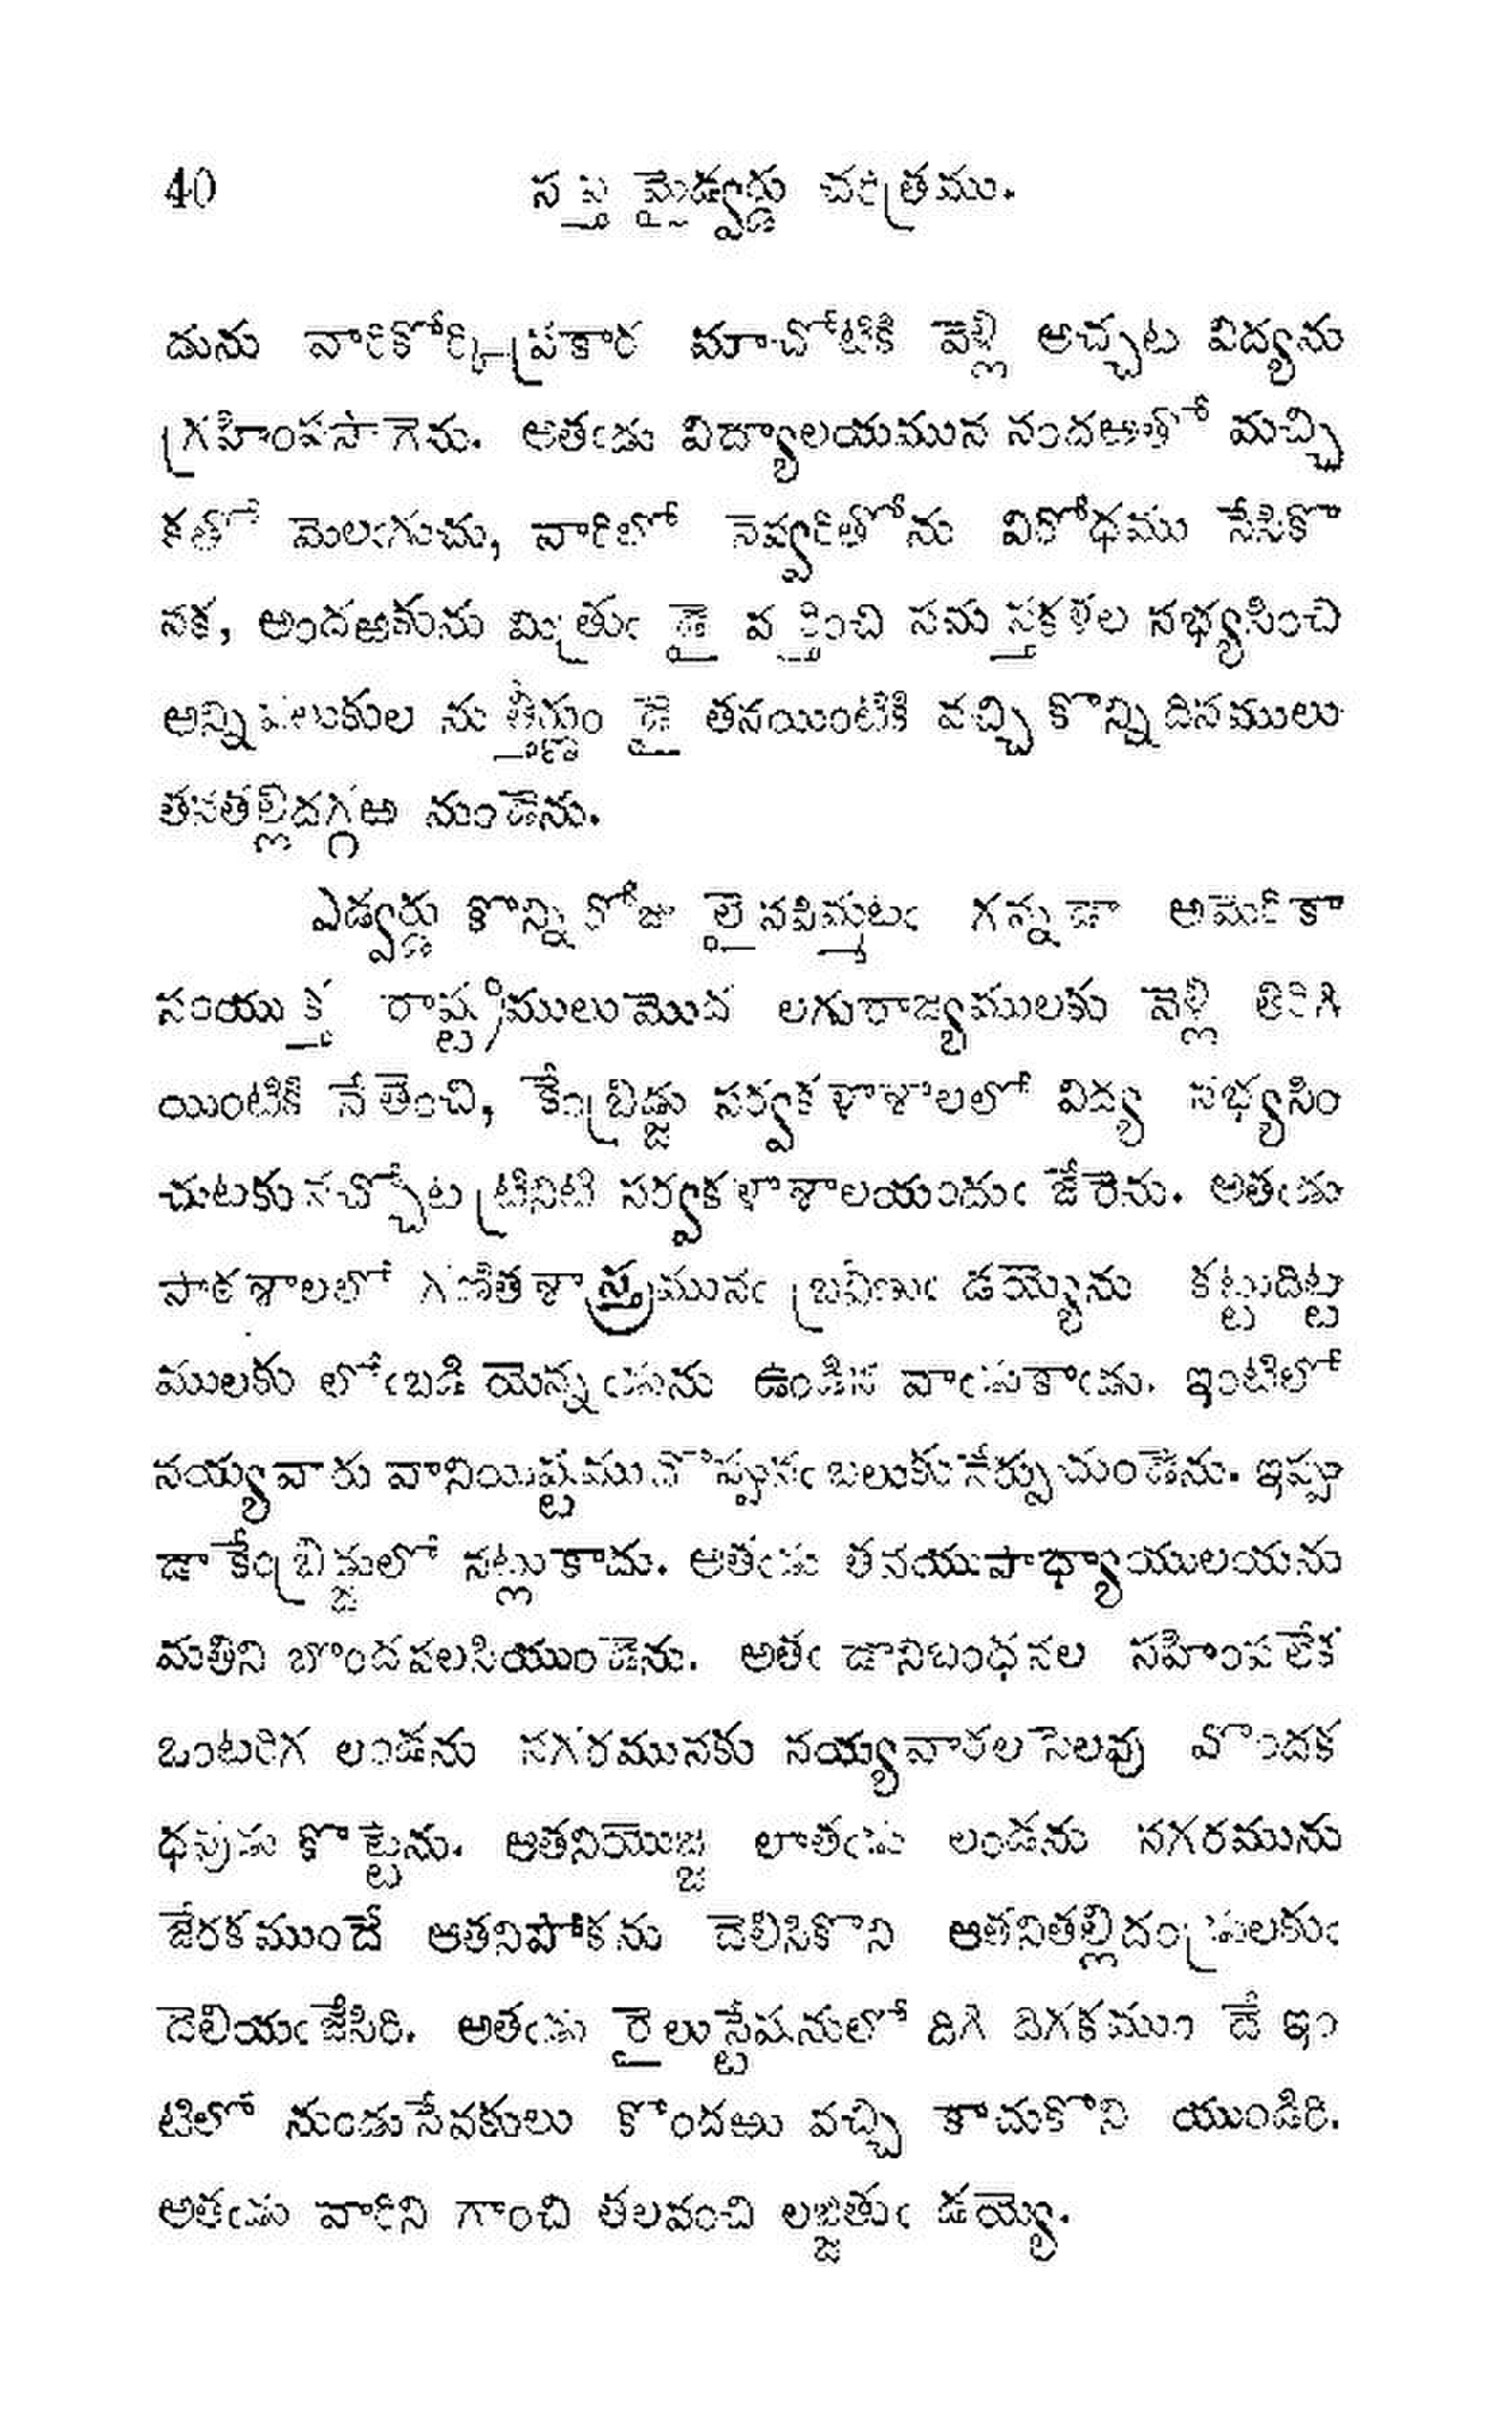డును నాకోర్కి ప్రకార మాచోటికి వెళ్లి అచ్చట విద్యనుగ్రహింపసాగెను. అతఁడు విద్యాలయమున నందఱతో, మచ్చికతో మెలగుచు, నారిలో నెవ్వడితోను విరోధము సేసికొనక, అందఱకును మిత్రుడై వర్తించి సమస్తకళల సభ్యసించి అన్నిపలుకుల నుత్తీర్ణుండై తనయింటికి వచ్చి కొన్ని దినములు
తల్లే దగ్గఱ నుండెను.

ఎడ్వర్లు కొన్ని రోజు లై నపిమ్మటఁ గన్నడా అమెరికాసంయుక్త రాష్ట్రములు మొద లగు రాజ్యములకు వెళ్లి తిరిగి యింటికి నే తెంచి, కేంబ్రిడ్డు సర్వకళాశాలలో విద్య సభ్యసిం
చుటకు నచ్చోట ట్రినిటీ సర్వక ళాశాలయందుఁ జేరెను. అతఁడు పాఠశాలలో గణితశాస్త్రమునఁ బ్రవీణుడయ్యెను కట్టుదిట్టములకు లోబడి యెన్నడును ఉండిన. వా డుకాడు. ఇంటిలో
నయ్య వారు వానియిష్టము నొప్పునఁ బలుకు నేర్పుచుండెను. ఇప్పుడాకేంబ్రిడ్జులో నట్లు కాదు. ఆతలను తనయుపాధ్యా యులయనుమతిని బొందవలసియుండెను. అతఁ డా నిబంధనల సహింస లేక ఒంటరిగ లండను సగరమునకు నయ్య వారల సెలవు వొందక ధపుడు కొట్టెను. అతనియొజ్జ లాతడు లాతడను 'నగరమును జేరక ముందే ఆతనిపోకను దెలిసికొని ఆ తల్లిదండలకు దెలియఁ జేసిరి. అతను రైలు స్టేషనులో దిగి దిగకము ముందే ఇంటిలో నుండు సేవకులు కొందఱు వచ్చి కాచుకోని యుండిరి. అతఁడు వారిని గాంచీ తలవంచి లజ్జితుఁ డయ్యె.